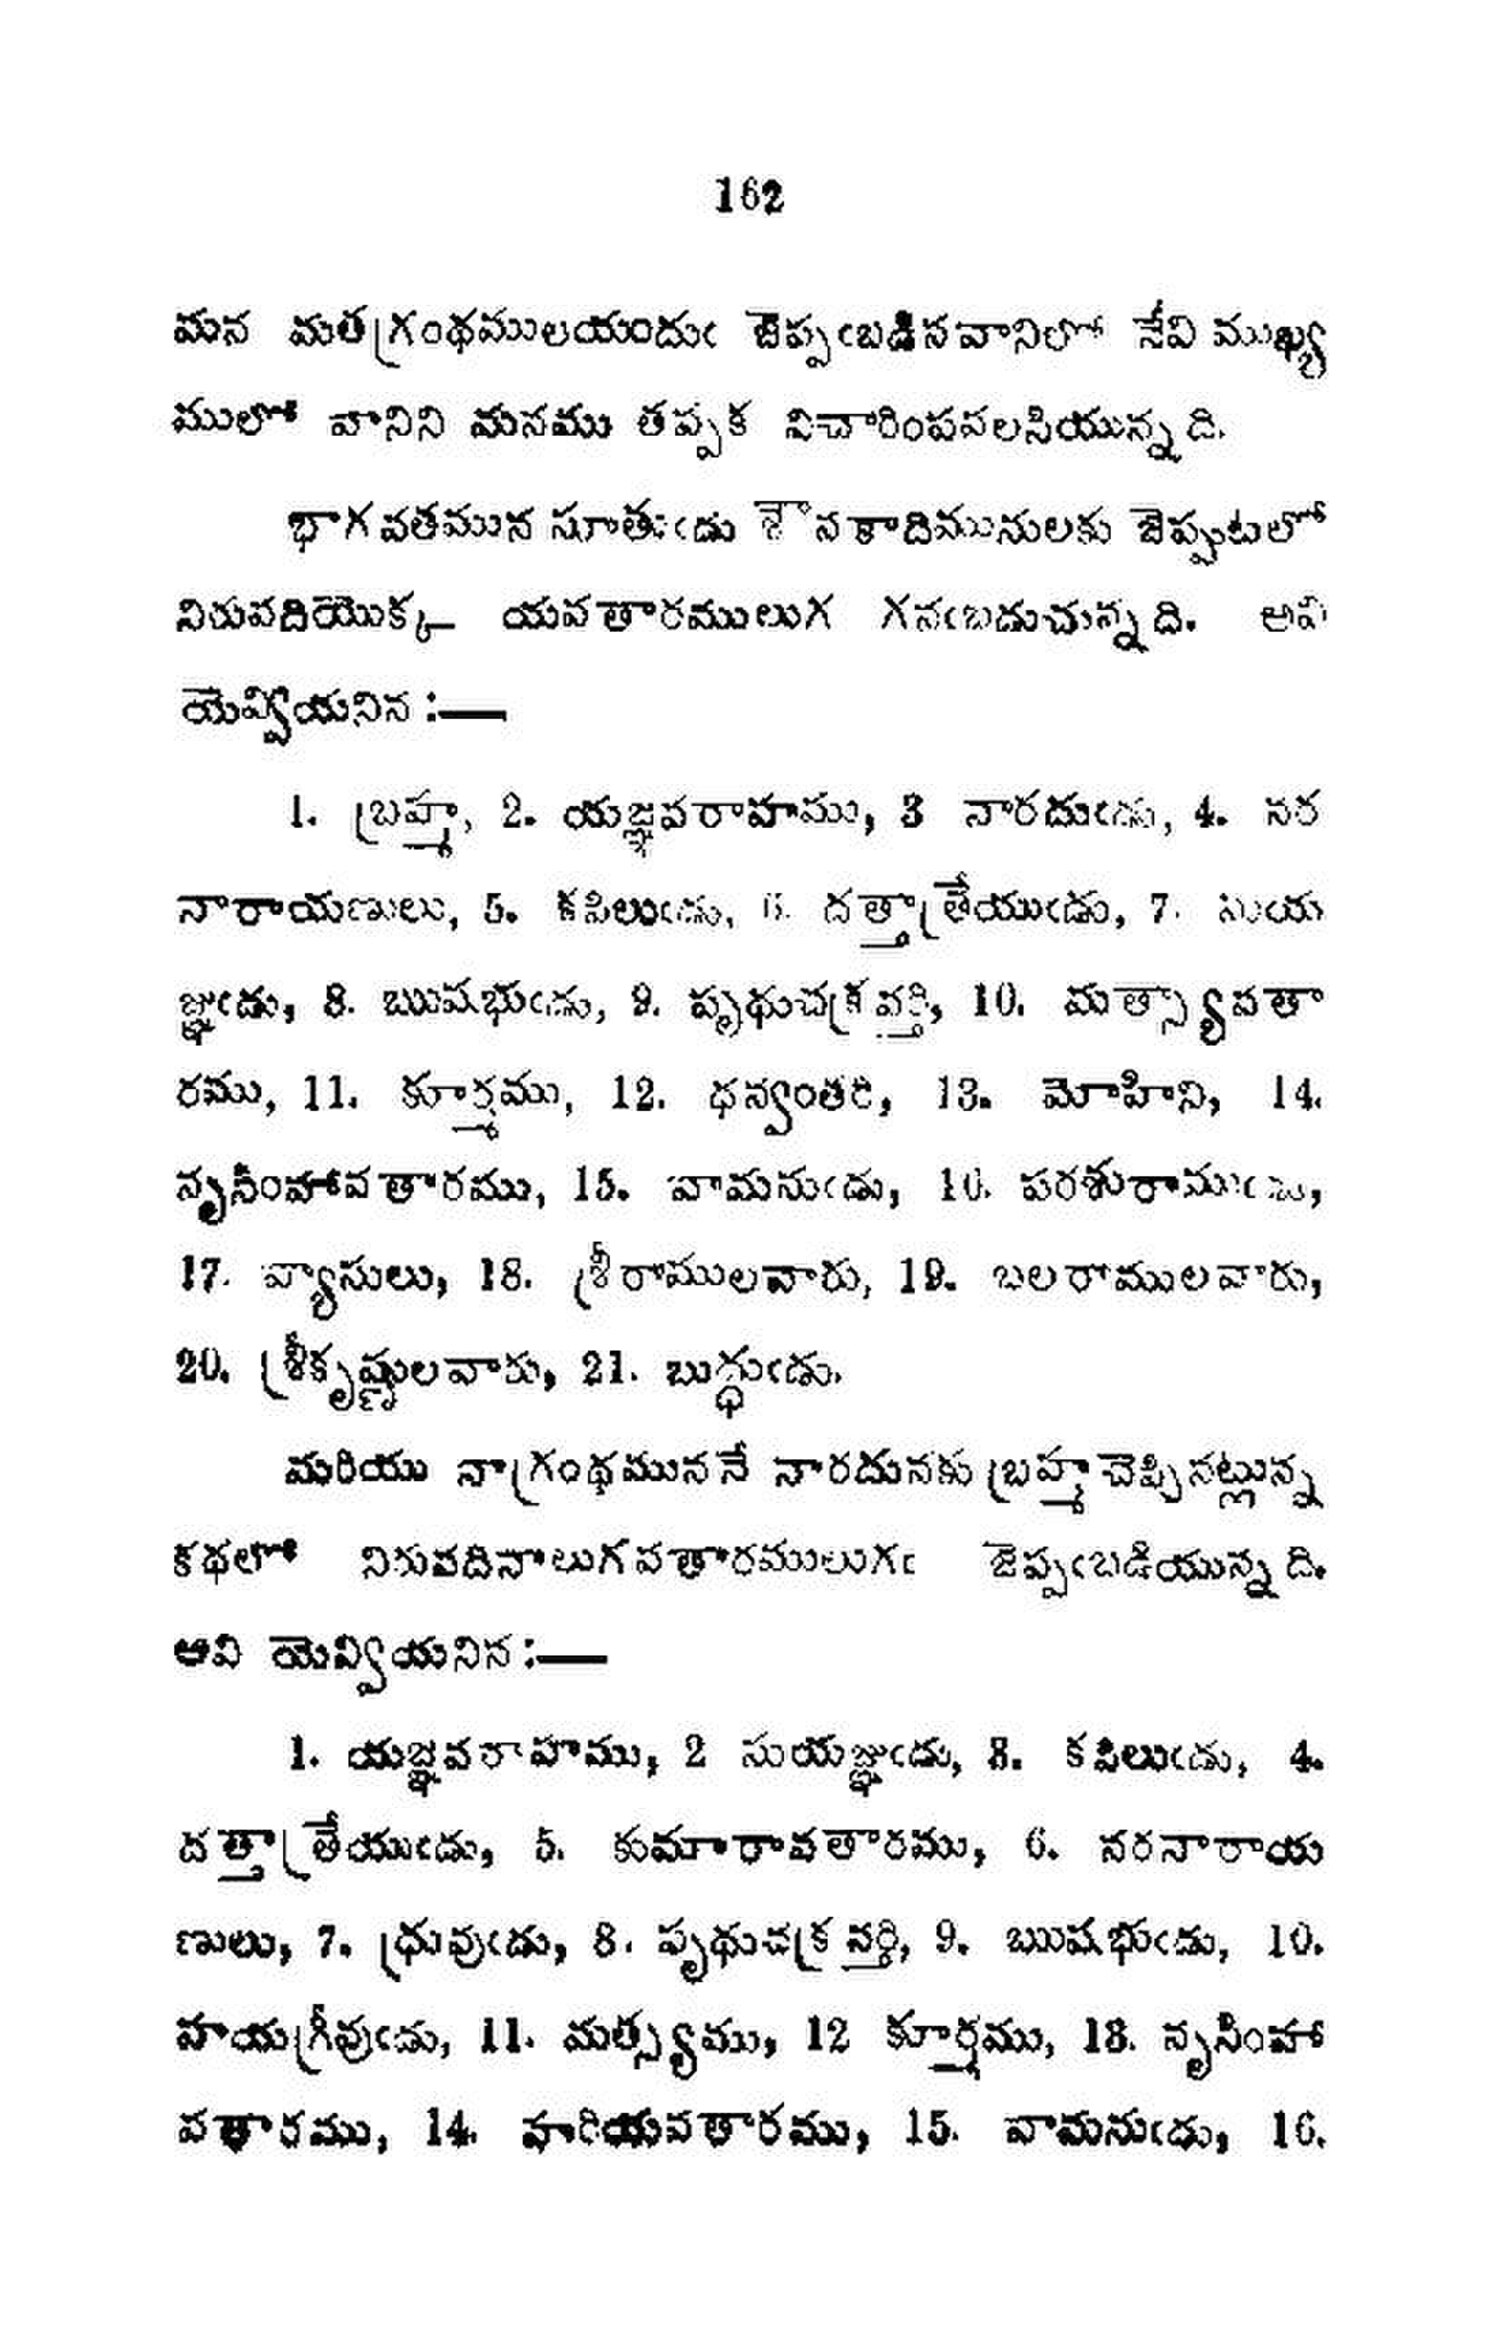మన మతగ్రంథములయందుఁ జెప్పఁబడినవానిలో నేవి ముఖ్యములో వానిని మనము తప్పక విచారింపవలసియున్నది.

భాగవతమున సూతుఁడు శౌనకాదిమునులకు జెప్పుటలో నిరువదియొక్క యవతారములుగ గనఁబడుచున్నది. అవి యెవ్వియనిన:-

1. బ్రహ్మ, 2. యజ్ఞవరాహము, 3. నారదుఁడు, 4. నర నారాయణులు, 5. కపిలుఁడు, 6. దత్తాత్రేయుఁడు, 7. సుయజ్ఞుఁడు, 8. ఋషభుఁడు, 9. పృథుచక్రవర్తి, 10. మత్స్యావతారము, 11. కూర్మము, 12. ధన్వంతరి, 13. మోహిని, 14. నృసింహావతారము, 15. వామనుఁడు, 16. పరశురాముఁడు, 17. వ్యాసులు, 18. శ్రీరాములవారు, 19. బలరాములవారు, 20. శ్రీకృష్ణులవారు, 21. బుద్ధుఁడు.

మరియు నాగ్రంథముననే నారదునకు బ్రహ్మచెప్పినట్లున్న కథలో నిరువదినాలుగవతారములుగఁ జెప్పఁబడియున్నది. అవి యెవ్వియనిన :-

1. యజ్ఞవరాహము, 2 సుయజ్ఞుఁడు, 3. కపిలుఁడు, 4. దత్తాత్రేయుఁడు, 5. కుమారావతారము, 6. నరనారాయణులు, 7. ధ్రువుఁడు, 8. పృథుచక్రవర్తి, 9. ఋషభుఁడు, 10. హయగ్రీవుఁడు, 11. మత్స్యము, 12. కూర్మము, 13. నృసింహావతారము, 14. హరియవతారము, 15. వామనుఁడు, 16.